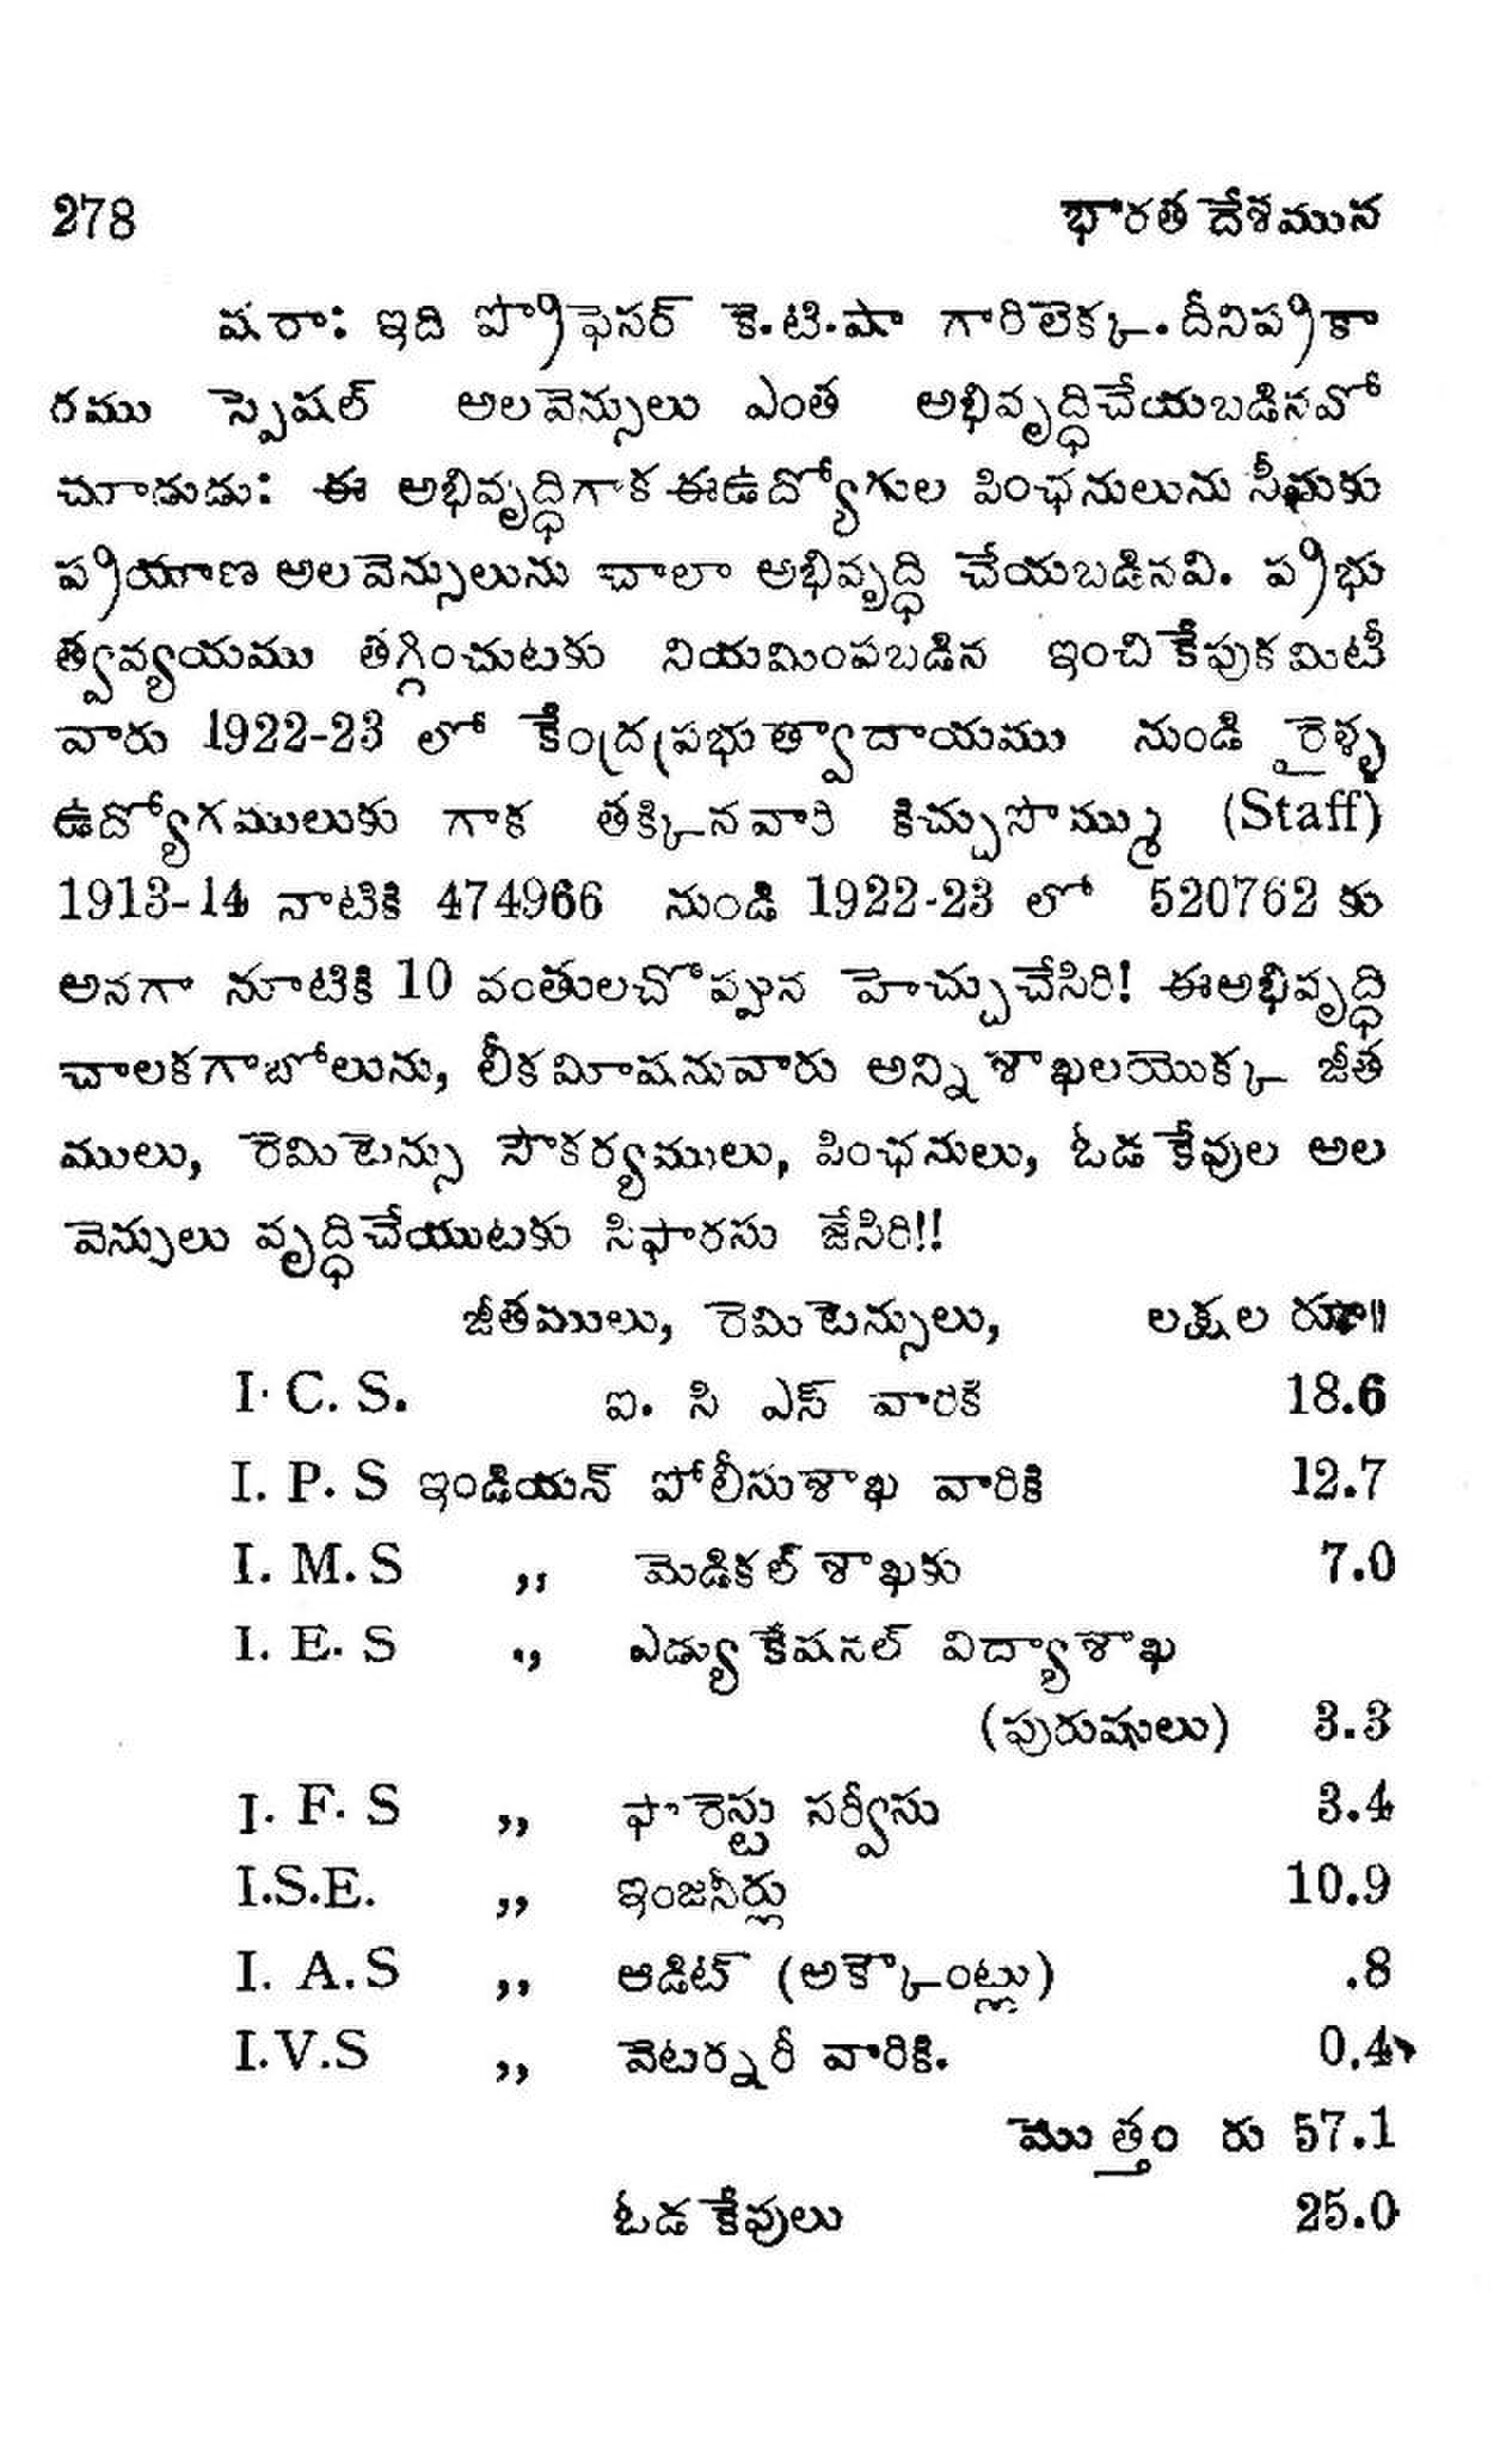షరా: ఇది ప్రొఫెసర్ కె.టి.షా గారి లెక్క. దీనిప్రకారము స్పెషల్ అలవెన్సులు ఎంత అభివృద్ధిచేయబడినవో చూడుడు: ఈ అభివృద్దిగాక ఈఉద్యోగుల పింఛనులును సీమకు ప్రయాణ అలవెన్సులును చాలా అభివృద్ధి చేయబడినవి. ప్రభుత్వవ్యయము తగ్గించుటకు నియమింపబడిన ఇంచికేపుకమిటీ వారు 1922-23 లో కేంద్రప్రభుత్వాదాయము నుండి రైళ్ళ ఉద్యోగములుకు గాక తక్కినవారి కిచ్చుసొమ్ము (Staff) 1913-14 నాటికి 474966 నుండి 1922-23 లో 520762 కు అనగా నూటికి 10 వంతులచొప్పున హెచ్చుచేసిరి! ఈ అభివృద్ధి చాలకగాబోలును, లీకమీషనువారు అన్ని శాఖలయొక్క జీతములు, రెమిటెన్సు సౌకర్యములు, పింఛనులు, ఓడకేవుల అలవెన్సులు వృద్ధిచేయుటకు సిఫారసు జేసిరి!!

 జీతములు, రెమిటెన్సులు, లక్షల రూ. I. C. S. ఐ. సి. యస్. వారికి 18.6 I. P. S. ఇండియన్ పోలీసుశాఖవారికి 12.7 I. M. S. ఇండియన్ మెడికల్ శాఖకు 7.0 I. E. S. ఇండియన్ ఎడ్యుకేషనల్ విద్యాశాఖ (పురుషులు) 3.3 I. F. S. ఇండియన్ ఫారెస్టు సర్వీసు 3.4 I. S. E. ఇండియన్ ఇంజనీర్లు 10.9 I. A. S. ఇండియన్ ఆడిట్ (అక్కౌంట్లు) 0.8 I. V. S. ఇండియన్ వెటర్నరీ వారికి 0.4 - మొత్తం రు. 57.1 - ఓడకేవులు 25.0